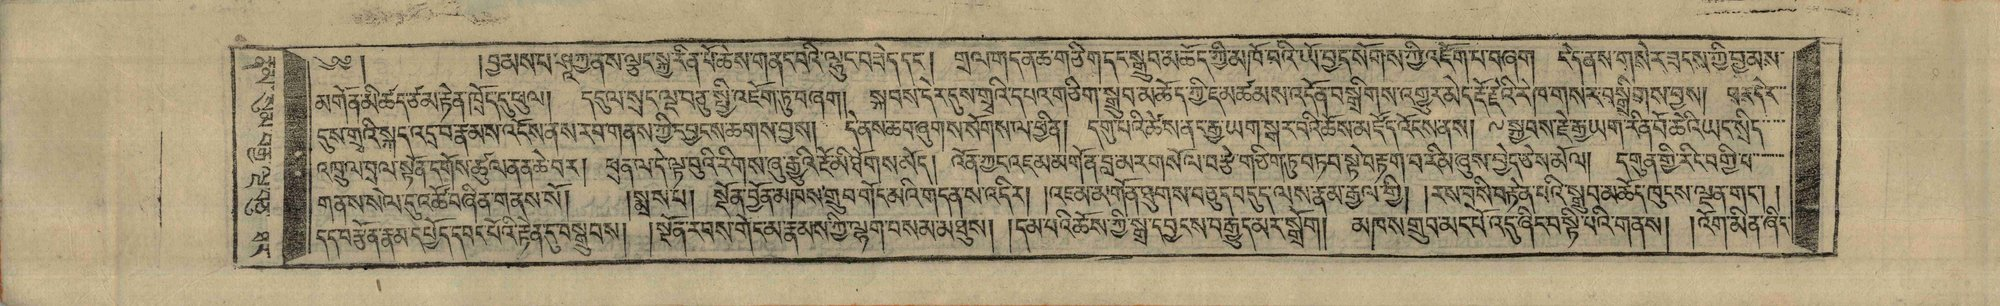༄༅། །བྱམས་པ་ཤཱཀྱ་ནས་ལྕང་སྐྱ་རིན་པོ་ཆེས་གནང་བའི་ལྷུང་བཟེད་དང་། གྲལ་གདན་ཆ་གཅིག་དང་སྒྲུབ་མཆོད་ཀྱི་མཁོ་བའི་ཡོ་བྱད་སོགས་ཀྱི་འཇོག་པ་བཞག །ངེད་ནས་གསེར་ཟངས་ཀྱི་བྱམས་
མགོན་མི་ཚད་ཙམ་རྟེན་ཁྲོད་དུ་ཕུལ། དངུལ་སྲང་ལྔ་བཅུ་སྤྱི་འཇོག་ཏུ་བཞག །སྐབས་དེར་དུས་གྲྭའི་དཔའ་གཅིག་སྒྲུབ་མཆོད་ཀྱི་ཇ་མཚམས་འདོན་བསྒྲིགས་འགྱུར་མེད་རྡོ་རྗེའི་རེ་ཁ་གསར་བསྒྲིགས་བྱས། བར་དེར་
དུས་གྲྭའི་སྐད་འདྲ་བ་རྣམས་འོངས་ནས་རབ་གནས་ཀྱི་དབྱངས་ཆགས་བྱས། དེ་ནས་ཆབ་ཞུགས་སོགས་ལ་ཕྱིན། དགུ་པའི་ཚེས་ནང་རྒྱ་ཡག་སྒར་བའི་ཆོས་མཛོད་འོངས་ནས། ༧སྐྱབས་རྗེ་རྒྱ་ཡག་རིན་པོ་ཆེའི་ཡང་སྲིད་
འཁྲུལ་བྲལ་སྟོན་དགོས་ཚུལ་ནན་ཆེ་བར། ཕྲན་ལ་དེ་ལྟ་བུའི་རིགས་ཞུ་རྒྱུའི་རྔོ་མི་ཐོགས་མོད། འོན་ཀྱང་འཇམ་མགོན་བླ་མར་གསོལ་བརྩེ་གཅིག་ཏུ་བཏབ་སྟེ་བརྟག་པ་རིམ་ཞུས་བྱེད་ཅེས་མོལ། དགུན་གྱི་རིང་བགྱི་པ་
གནས་སེལ་དུ་འཚོ་བཞིན་གནས་སོ། །སྨྲས་པ། སྔོན་བྱོན་མཁས་གྲུབ་གོར་མའི་གདན་ས་འདིར། །འཇམ་མགོན་ཐུགས་བཅུད་བདུད་ལས་རྣམ་རྒྱལ་གྱི། །རས་བྲིས་བརྟེན་པའི་སྒྲུབ་མཆོད་ཁུངས་ལྡན་གང་། །
དད་བརྩོན་རྣམ་དཔྱོད་དབང་པོའི་རྟེན་དུ་བསྒྲུབས། །སྔོན་རབས་གོང་མ་རྣམས་ཀྱི་ལྷག་བསམ་མཐུས། །དམ་པའི་ཆོས་ཀྱི་སྒྲ་དབྱངས་བརྒྱུད་མར་སྒྲོག །མཁས་གྲུབ་མང་པོ་འདུ་ཞིང་བསྟི་པའི་གནས། །འོག་མིན་ཞིང་